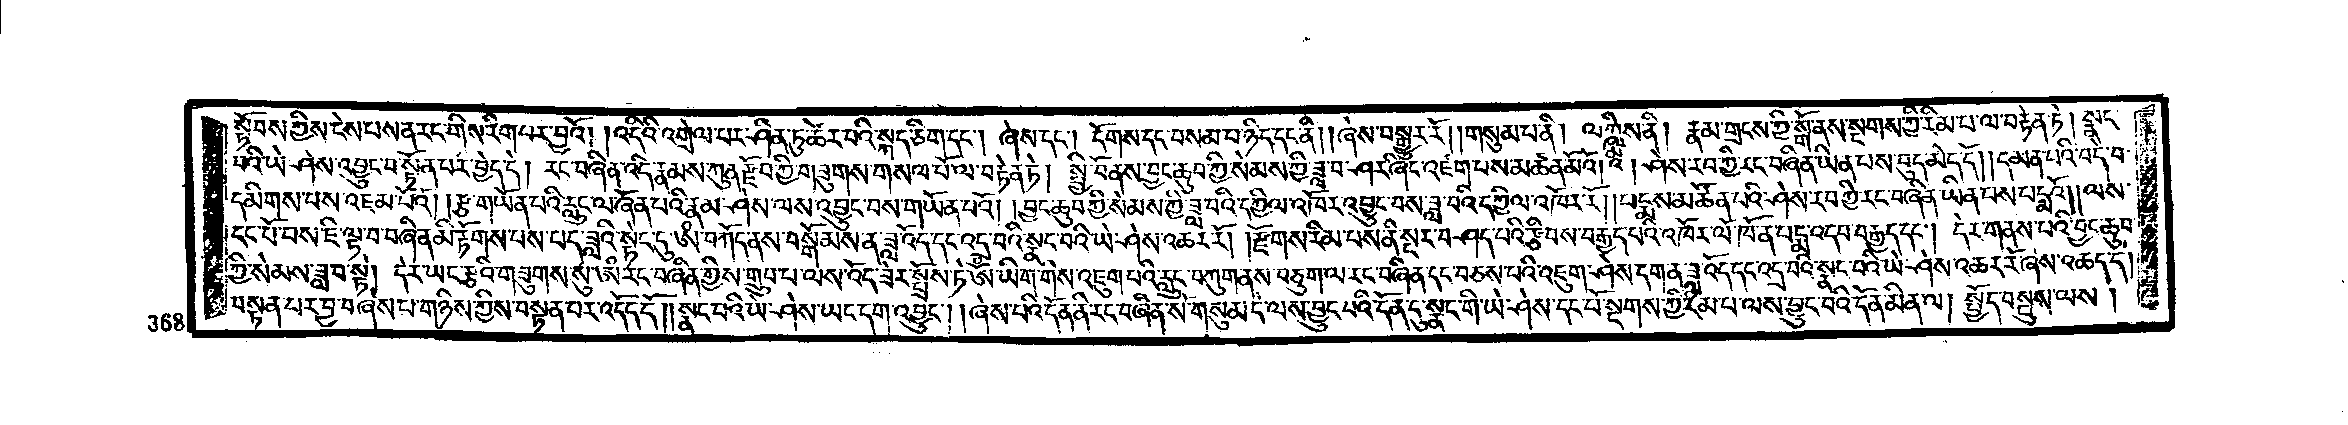སྟོབས་ཀྱིས་ངེས་པས་ན་རང་གིས་རིག་པར་བྱའོ། །འདིའི་འགྲེལ་པར་ཤིན་ཏུ་ཚེར་བའི་སྐད་ཅིག་དང་། ཞེས་དང་། དོགས་དང་བསམ་པ་ཉིད་དང་ནི། །ཞེས་བསྒྱུར་རོ། །གསུམ་པ་ནི། ལཀྵྨཱིས་ནི། རྣམ་གྲངས་ཀྱི་སྒོ་ནས་སྔགས་ཀྱི་རིམ་པ་ལ་བརྟེན་ཏེ། སྣང་
བའི་ཡེ་ཤེས་འབྱུང་བ་སྟོན་པར་བྱེད་དེ། རང་བཞིན་འདི་རྣམས་ཀུན་རྫོབ་ཀྱི་གཟུགས་གསལ་པོ་ལ་བརྟེན་ཏེ། སྤྱི་བོ་ནས་བྱང་ཆུབ་ཀྱི་སེམས་ཀྱི་ཟླ་བ་ཤར་ཞིང་འཛག་པས་མཚན་མོའོ། །ཤེས་རབ་ཀྱི་རང་བཞིན་ཡིན་པས་བུད་མད་དོ། །དམན་པའི་བདེ་བ་
དམིགས་པས་འཇམ་པོའོ། །རྩ་གཡོན་པའི་རླུང་ལ་ཞོན་པའི་རྣམ་ཤེས་ལས་འབྱུང་བས་གཡོན་པའོ། །བྱང་ཆུབ་ཀྱི་སེམས་ཀྱི་ཟླ་བའི་དཀྱིལ་འཁོར་འབྱུང་བས་ཟླ་བའི་དཀྱིལ་འཁོར་རོ། །པདམས་མཚོན་པའི་ཤེས་རབ་ཀྱི་རང་བཞིན་ཡིན་པས་པདམའོ། །ལས་
དང་པོ་པས་ཇི་ལྟ་བ་བཞིན་མི་རྟོགས་པས་པད་ཟླའི་སྟེང་དུ་ཨཾ་བཀོད་ནས་བསྒོམས་ན་ཟླ་འོད་དང་འདྲ་བའི་སྣང་བའི་ཡེ་ཤེས་འཆར་རོ། །རྫོགས་རིམ་པས་ནི་སྔར་བཤད་པའི་རྩིབས་བརྒྱད་པའི་འཁོར་ལོ་ཁོ་ན་པདམ་འདབ་བརྒྱད་དང་། དེར་གནས་པའི་བྱང་ཆུབ་
ཀྱི་སེམས་ཟླ་བ་སྟེ། དེར་ཡང་རྩའི་གཟུགས་སུ་ཨཾ་རང་བཞིན་གྱིས་གྲུབ་པ་ལས་འོད་ཟེར་སྤྲོས་ཏེ་ཨོཾ་ཡིག་གིས་འཇུག་པའི་རླུང་བཀུག་ནས་བཅུག་ལ་རང་བཞིན་དང་བཅས་པའི་འཇུག་ཤེས་དག་ན་ཟླ་འོད་དང་འདྲ་བའི་སྣང་བའི་ཡེ་ཤེས་འཆར་རོ་ཞེས་འཆད་དེ།
བསྟན་པར་བྱ་བ་ཞེས་པ་གཉིས་ཀྱིས་བསྟན་པར་འདོད་དོ། །སྣང་བའི་ཡེ་ཤེས་ཡང་དག་འབྱུང་། །ཞེས་པའི་དོན་ནི་རང་བཞིན་སོ་གསུམ་དེ་ལས་བྱུང་བའི་དོན་དུ་སྣང་གི་ཡེ་ཤེས་དང་པོ་སྔགས་ཀྱི་རིམ་པ་ལས་བྱུང་བའི་དོན་མིན་ལ། སྤྱོད་བསྡུས་ལས།